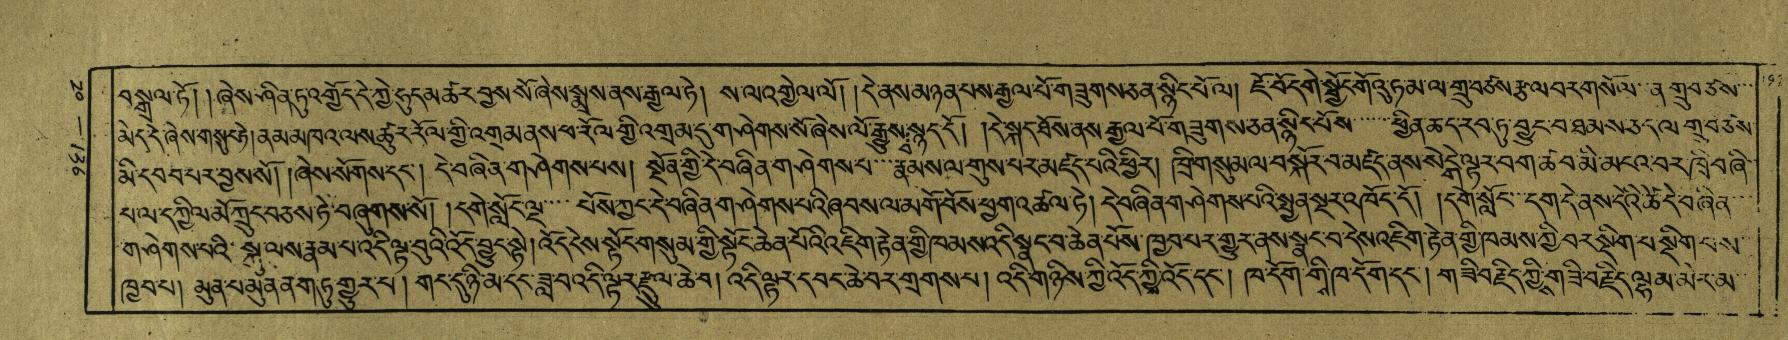བསྒྲལ་ཏོ། །ཞེས་ཤིན་ཏུ་འགྱོད་དེ་ཀྱི་ཧུད་མཚར་བྱས་སོ་ཞེས་སྨྲས་ནས་རྒྱལ་ཏེ། ས་ལ་འགྱེལ་ལོ། །དེ་ནས་མཉན་པས་རྒྱལ་པོ་གཟུགས་ཅན་སྙིང་པོ་ལ། ཇོ་བོ་དགེ་སྦྱོང་གོའུ་ཏ་མ་ལ་གྲུ་བཙས་རྩལ་བར་གསོལ་ན་གྲུ་བཙས་
མེད་དེ་ཞེས་གསུང་ཏེ། ནམ་མཁའ་ལས་ཚུར་རོལ་གྱི་འགྲམ་ནས་ཕ་རོལ་གྱི་འགྲམ་དུ་གཤེགས་སོ་ཞེས་ལོ་རྒྱུས་བ་སྙད་དོ། །དེ་སྐད་ཐོས་ནས་རྒྱལ་པོ་གཟུགས་ཅན་སྙིང་པོས་ཕྱིན་ཆད་རབ་ཏུ་བྱུང་བ་ཐམས་ཅད་ལ་གྲུ་བཙས་
མི་དབབ་པར་བྱས་སོ། །ཞེས་སོགས་དང་། དེ་བཞིན་གཤེགས་པས། སྔོན་གྱི་དེ་བཞིན་གཤེགས་པ་རྣམས་ལ་གུས་པར་མཛད་པའི་ཕྱིར། ཁྲི་གསུམ་ལ་བསྐོར་བ་མཛད་ནས་སེངྒེ་ལྟར་བག་ཚ་བ་མི་མངའ་བར་ཁྲི་བཞི་
པ་ལ་དཀྱིལ་མོ་ཀྲུང་བཅས་ཏེ་བཞུགས་སོ། །དགེ་སློང་ལྔ་པོས་ཀྱང་དེ་བཞིན་གཤེགས་པའི་ཞབས་ལ་མགོ་བོས་ཕྱག་འཚལ་ཏེ། དེ་བཞིན་གཤེགས་པའི་སྤྱན་སྔར་འཁོད་དོ། །དགེ་སློང་དག་དེ་ནས་དེའི་ཚེ་དེ་བཞིན་
གཤེགས་པའི་སྐུ་ལས་རྣམ་པ་འདི་ལྟ་བུའི་འོད་བྱུང་སྟེ། འོད་ངེས་སྟོང་གསུམ་གྱི་སྟོང་ཆེན་པོའི་འཇིག་རྟེན་གྱི་ཁམས་འདི་སྣང་བ་ཆེན་པོས་ཁྱབ་པར་གྱུར་ནས་སྣང་བ་དེས་འཇིག་རྟེན་གྱི་ཁམས་ཀྱི་བར་སྡིག་པ་སྡིག་པས་
ཁྱབ་པ། མུན་པ་མུན་ནག་ཏུ་གྱུར་པ། གང་དུ་ཉི་མ་དང་ཟླ་བ་འདི་ལྟར་རྫུལ་ཆེ་བ། འདི་ལྟར་དབང་ཆེ་བར་གྲགས་པ། འདི་གཉིས་ཀྱི་འོད་ཀྱིས་འོད་དང་། ཁ་དོག་གིས་ཁ་དོག་དང་། གཟི་བརྗིད་ཀྱིས་གཟི་བརྗིད་ལྷམ་མེར་མ་